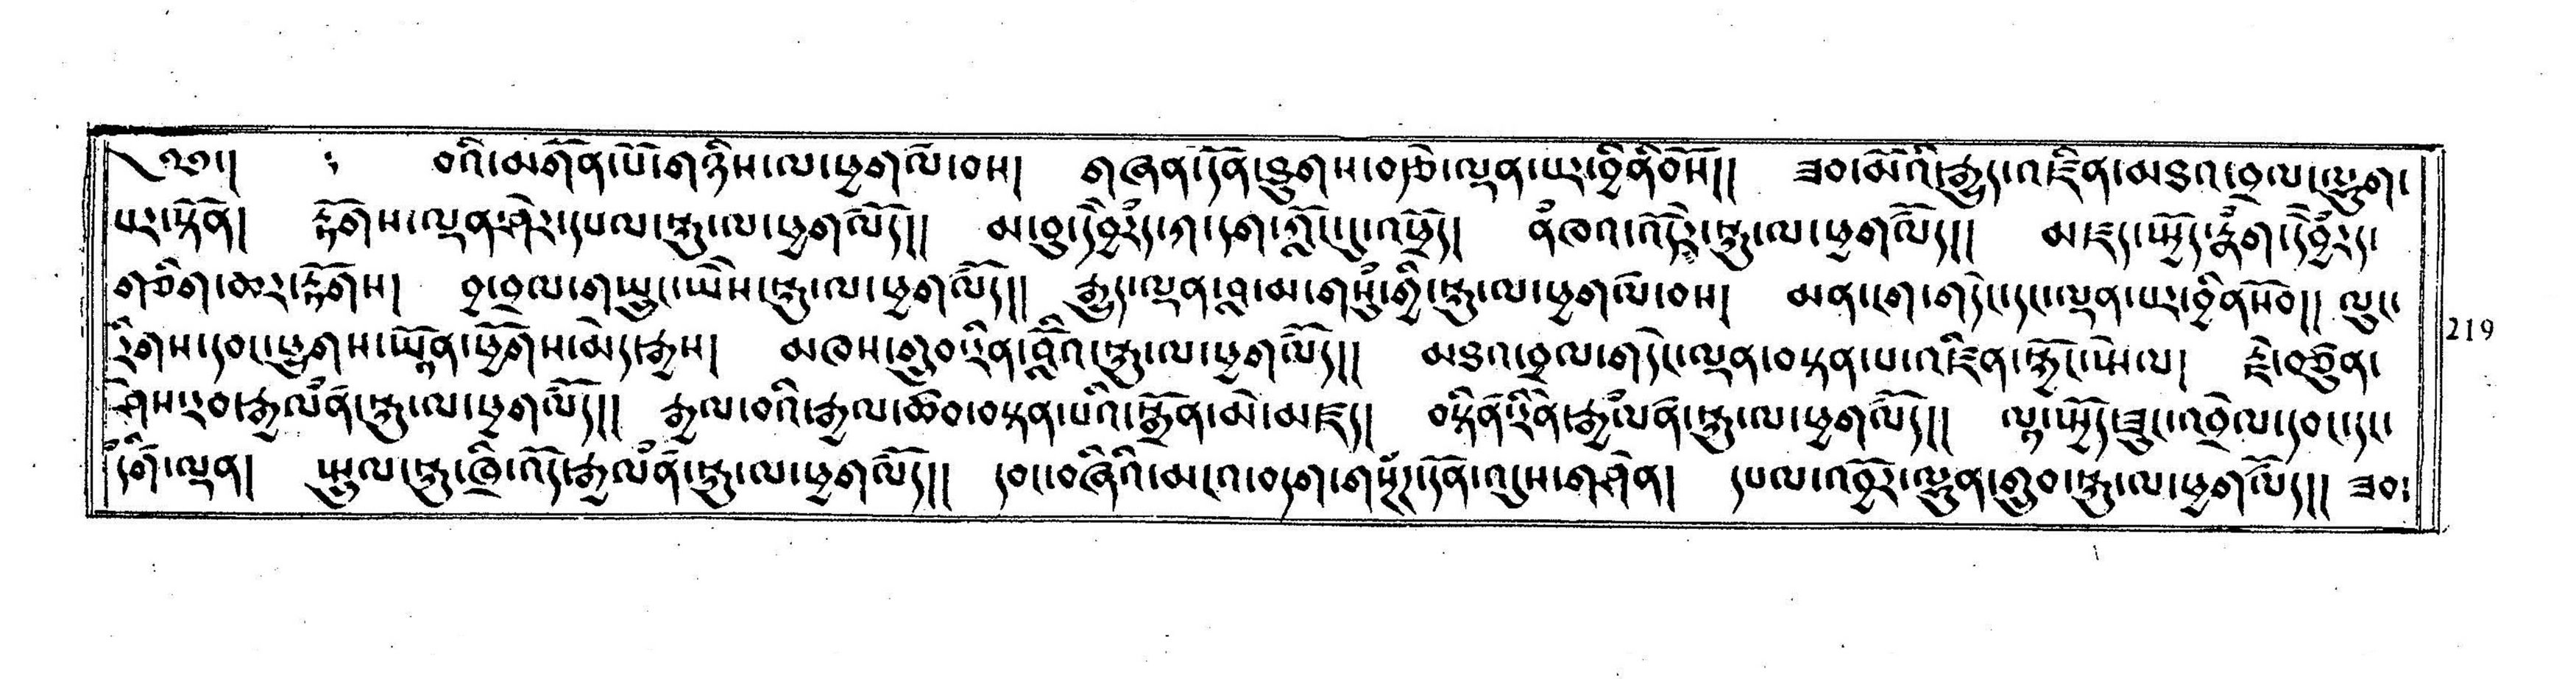བའི་མགོན་པོ་གཉིས་ལ་ཕྱག་འཚལ་བས། གཞན་དོན་ཐུགས་བརྩེ་ལྡན་པར་བྱིན་གྱིས་རློབས།། ཟབ་མོའི་རྒྱུད་འཛིན་མཐའ་བྲལ་ལྷུག་
པར་སྟོན། རྟོགས་ལྡན་ཤེར་དཔལ་སྐུ་ལ་ཕྱག་འཚལ་བསྟོད།། མ་བུ་དབྱེར་མེད་ཀ་དག་ཀློང་དུ་འཕྲོད། ནམ་མཁའ་འོད་ཟེར་སྐུ་ལ་ཕྱག་འཚལ་བསྟོད།། མཛད་སྤྱོད་རྣམ་དག་དབྱེར་མེད་
གཅིག་ཆར་རྟོགས། བྱ་བྲལ་གཡུང་དྲུང་ཡེ་ཤེས་སྐུ་ལ་ཕྱག་འཚལ་བསྟོད།། རྒྱུད་ལྡན་བླ་མ་གསུམ་གྱི་སྐུ་ལ་ཕྱག་འཚལ་བས། མན་ངག་གདེང་དང་ལྡན་པར་བྱིན་གྱིས་རློབས།། ལུང་
རིགས་དབང་ཕྱུག་ཡོན་ཏན་ཕྱོགས་མེད་རྒྱས། མཁས་གྲུབ་རིན་བློའི་སྐུ་ལ་ཕྱག་འཚལ་བསྟོད།། མཐའ་བྲལ་གདེང་ལྡན་བསྟན་པ་འཛིན་སྐྱོང་སྤེལ། རྗེ་བཙུན་
ཤེས་རབ་རྒྱལ་མཚན་སྐུ་ལ་ཕྱག་འཚལ་བསྟོད།། རྒྱལ་བའི་རྒྱལ་ཚབ་བསྟན་པའི་སྒྲོན་མེ་མཛད། བསྟན་འཛིན་རིན་ཆེན་རྒྱལ་མཚན་སྐུ་ལ་ཕྱག་འཚལ་བསྟོད།། ལྟ་སྤྱོད་ཟུང་འབྲེལ་དབང་དང་
དམ་ཚིག་ལྡན། སྤྲུལ་སྐུ་ཁྲི་འོད་རྒྱལ་མཚན་སྐུ་ལ་ཕྱག་འཚལ་བསྟོད།། དབང་བཞིའི་མངའ་བདག་གསང་སྔགས་དོན་འདུས་གཤེན། དཔལ་འབྱོར་ལྷུན་གྲུབ་སྐུ་ལ་ཕྱག་འཚལ་བསྟོད།། ཟབ་